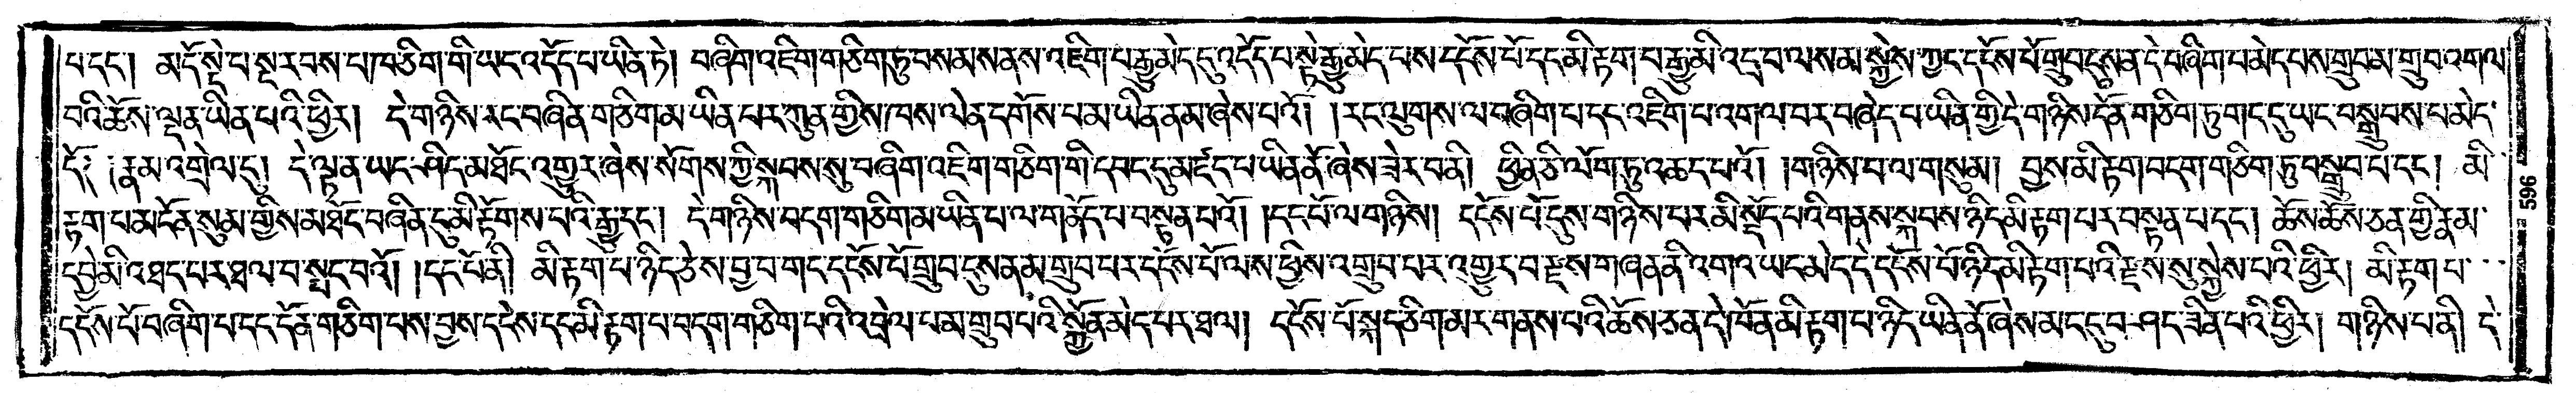པ་དང་། མདོ་སྡེ་པ་སྔ་རབས་པ་ཁ་ཅིག་གི་ཡང་འདོད་པ་ཡིན་ཏེ། བཞིག་འཇིག་གཅིག་ཏུ་བསམས་ནས་འཇིག་པ་རྒྱུ་མེད་དུ་འདོད་པ་སྟེ་རྒྱུ་མེད་པས་དངོས་པོ་དང་མི་རྟག་པ་རྒྱུ་མི་འདྲ་བ་ལས་མ་སྐྱེས་ཀྱང་དངོས་པོ་གྲུབ་དུས་ན་དེ་བཞིག་པ་མེད་པས་གྲུབ་མ་གྲུབ་འགལ་
བའི་ཆོས་ལྡན་ཡིན་པའི་ཕྱིར། དེ་གཉིས་རང་བཞིན་གཅིག་མ་ཡིན་པར་ཀུན་གྱིས་ཁས་ལེན་དགོས་པ་མ་ཡིན་ནམ་ཞེས་པའོ། །རང་ལུགས་ལ་བཞིག་པ་དང་འཇིག་པ་འགལ་བར་བཞེད་པ་ཡིན་གྱི་དེ་གཉིས་དོན་གཅིག་ཏུ་གང་དུ་ཡང་བསྒྲུབས་པ་མེད་
དོ། །རྣམ་འགྲེལ་དུ། དེ་ལྟ་ན་ཡང་ཤིང་མཐོང་འགྱུར་ཞེས་སོགས་ཀྱི་སྐབས་སུ་བཞིག་འཇིག་གཅིག་གི་དབང་དུ་མཛད་པ་ཡིན་ནོ་ཞེས་ཟེར་བ་ནི། ཕྱིན་ཅི་ལོག་ཏུ་འཆད་པའོ། །གཉིས་པ་ལ་གསུམ། བྱས་མི་རྟག་བདག་གཅིག་ཏུ་བསྒྲུབ་པ་དང་། མི་
རྟག་པ་མངོན་སུམ་གྱིས་མཐོང་བཞིན་དུ་མི་རྟོགས་པའི་རྒྱུ་དང་། དེ་གཉིས་བདག་གཅིག་མ་ཡིན་པ་ལ་གནོད་པ་བསྟན་པའོ། །དང་པོ་ལ་གཉིས། དངོས་པོ་དུས་གཉིས་པར་མི་སྡོད་པའི་གནས་སྐབས་ཉིད་མི་རྟག་པར་བསྟན་པ་དང་། ཆོས་ཆོས་ཅན་གྱི་རྣམ་
དབྱེ་མི་འཐད་པར་ཐལ་བ་སྤང་བའོ། །དང་པོ་ནི། མི་རྟག་པ་ཉིད་ཅེས་བྱ་བ་གང་དངོས་པོ་གྲུབ་དུས་ན་མ་གྲུབ་པར་དངོས་པོ་ལས་ཕྱིས་འགྲུབ་པར་འགྱུར་བ་རྫས་གཞན་ནི་འགའ་ཡང་མེད་དེ་དངོས་པོ་ཉིད་མི་རྟག་པའི་རྫས་སུ་སྐྱེས་པའི་ཕྱིར། མི་རྟག་པ་
དངོས་པོ་བཞིག་པ་དང་དོན་གཅིག་པས་བྱས་དངོས་དང་མི་རྟག་པ་བདག་གཅིག་པའི་འབྲེལ་པ་མ་གྲུབ་པའི་སྐྱོན་མེད་པར་ཐལ། དངོས་པོ་སྐད་ཅིག་མར་གནས་པའི་ཆོས་ཅན་དེ་ཁོ་ན་མི་རྟག་པ་ཉིད་ཡིན་ནོ་ཞེས་མང་དུ་བཤད་ཟིན་པའི་ཕྱིར། གཉིས་པ་ནི། དེ་